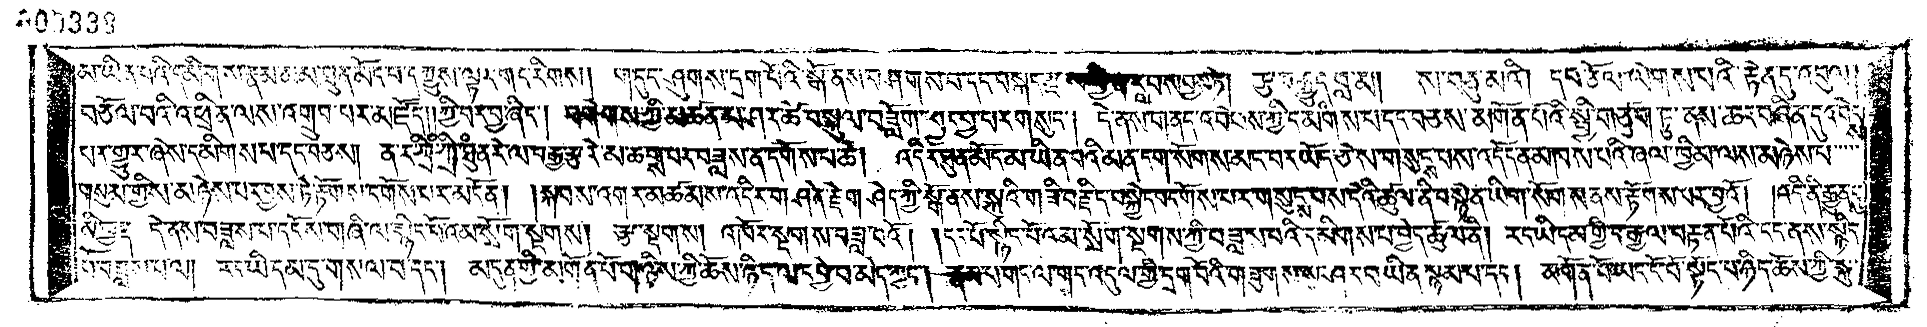མ་ཡིན་པའི་དམིགས་རྣམ་མམ་ཐུན་མོང་བ་དཀྱུས་ལྟར་གང་རིགས། གདུང་ཤུགས་དྲག་པོའི་སྒོ་ནས་བཤགས་པ་དང་བསྐང་རྫས་བྱིན་རླབས་བྱས་ཏེ། རྩ་བརྒྱུད་བླ་མ། ས་བཅུ་མའི། ད་བཅོལ་ལེགས་པའི་རྟེན་དུ་འབུལ།
བཅོལ་བའི་འཕྲིན་ལས་འགྲུབ་པར་མཛོད། །ཀྱི་བར་བྱ་ཞིང་། བགེགས་ཀྱི་མཚན་མ་ཤར་ཚེ་བསྐུལ་བཟློག་ཕྱང?་བྱ་པར་གསུང་། དེ་ནས་གནད་འབེབས་ཀྱི་དམིགས་པ་དང་བཅས་མགོན་པོའི་སྤྱི་གཙུག་ཏུ་ནས་ཆར་བཞིན་དུ་འབེངས་
པར་གྱུར་ཞེས་དམིགས་པ་དང་བཅས། ན་ར་ཀྲིཾ་ཀྲིཾ་ཐུན་རེ་ལ་བརྒྱ་རྩ་རེ་མ་ཆགས་པར་བཟླས་ན་དགོས་པ་ཆེ། འདིར་ཐུན་མོང་མ་ཡིན་པའི་མན་ངག་སོགས་མང་བར་ཡོད་ཅེས་གསུངས་པས་འདོད་ན་མཁས་པའི་ཞལ་ཁྱིམ་ལས་མཉེས་པ་
གསུམ་གྱིས་མཉེས་པར་བྱས་ཏེ་རྟོགས་དགོས་པར་མངོན། །སྐབས་འགར་མཚམས་འདིར་གཤེན་རྗེ་གཤེད་ཀྱི་སྒོ་ནས་སྐུའི་གཟི་བརྗིད་བསྐྱེད་པ་དགོས་པར་གསུངས་པས་དེའི་ཚུལ་ནི་བསྙེན་ཡིག་སོགས་ནས་རྟོགས་པར་བྱའོ། །འདི་ནི་རྒྱུན་དུ་
མི་བྱ། དེ་ནས་བཟླས་པ་དངོས་གཞི་ལ་སྙིང་པོ་འམ་སྲོག་སྔགས། རྩ་སྔགས། འཁོར་སྔགས་བཟླ་བའོ། །དང་པོ་སྙིང་པོ་འམ་སྲོག་སྔགས་ཀྱི་བཟླས་པའི་དམིགས་པ་བྱེད་ཚུལ་ནི། རང་ཡི་དམ་གྱི་ང་རྒྱལ་བརྟན་པོའི་ངང་ནས་སྙིང་
པོ་བཟླས་པ་ལ། རང་ཡི་དམ་དུ་གསལ་བ་དང་། མདུན་གྱི་མགོན་པོ་གཉིས་ཀྱི་ཆོས་ཉིད་ལ་དབྱེ་བ་མེད་ཀྱང་། རྣམ་པ་གང་ལ་གང་འདུལ་གྱི་དྲག་པོའི་གཟུགས་སུ་ཤར་བ་ཡིན་སྙམ་པ་དང་། མགོན་པོ་ཡང་ངོ་བོ་སྟོང་པ་ཉིད་ཆོས་ཀྱི་སྐུ་